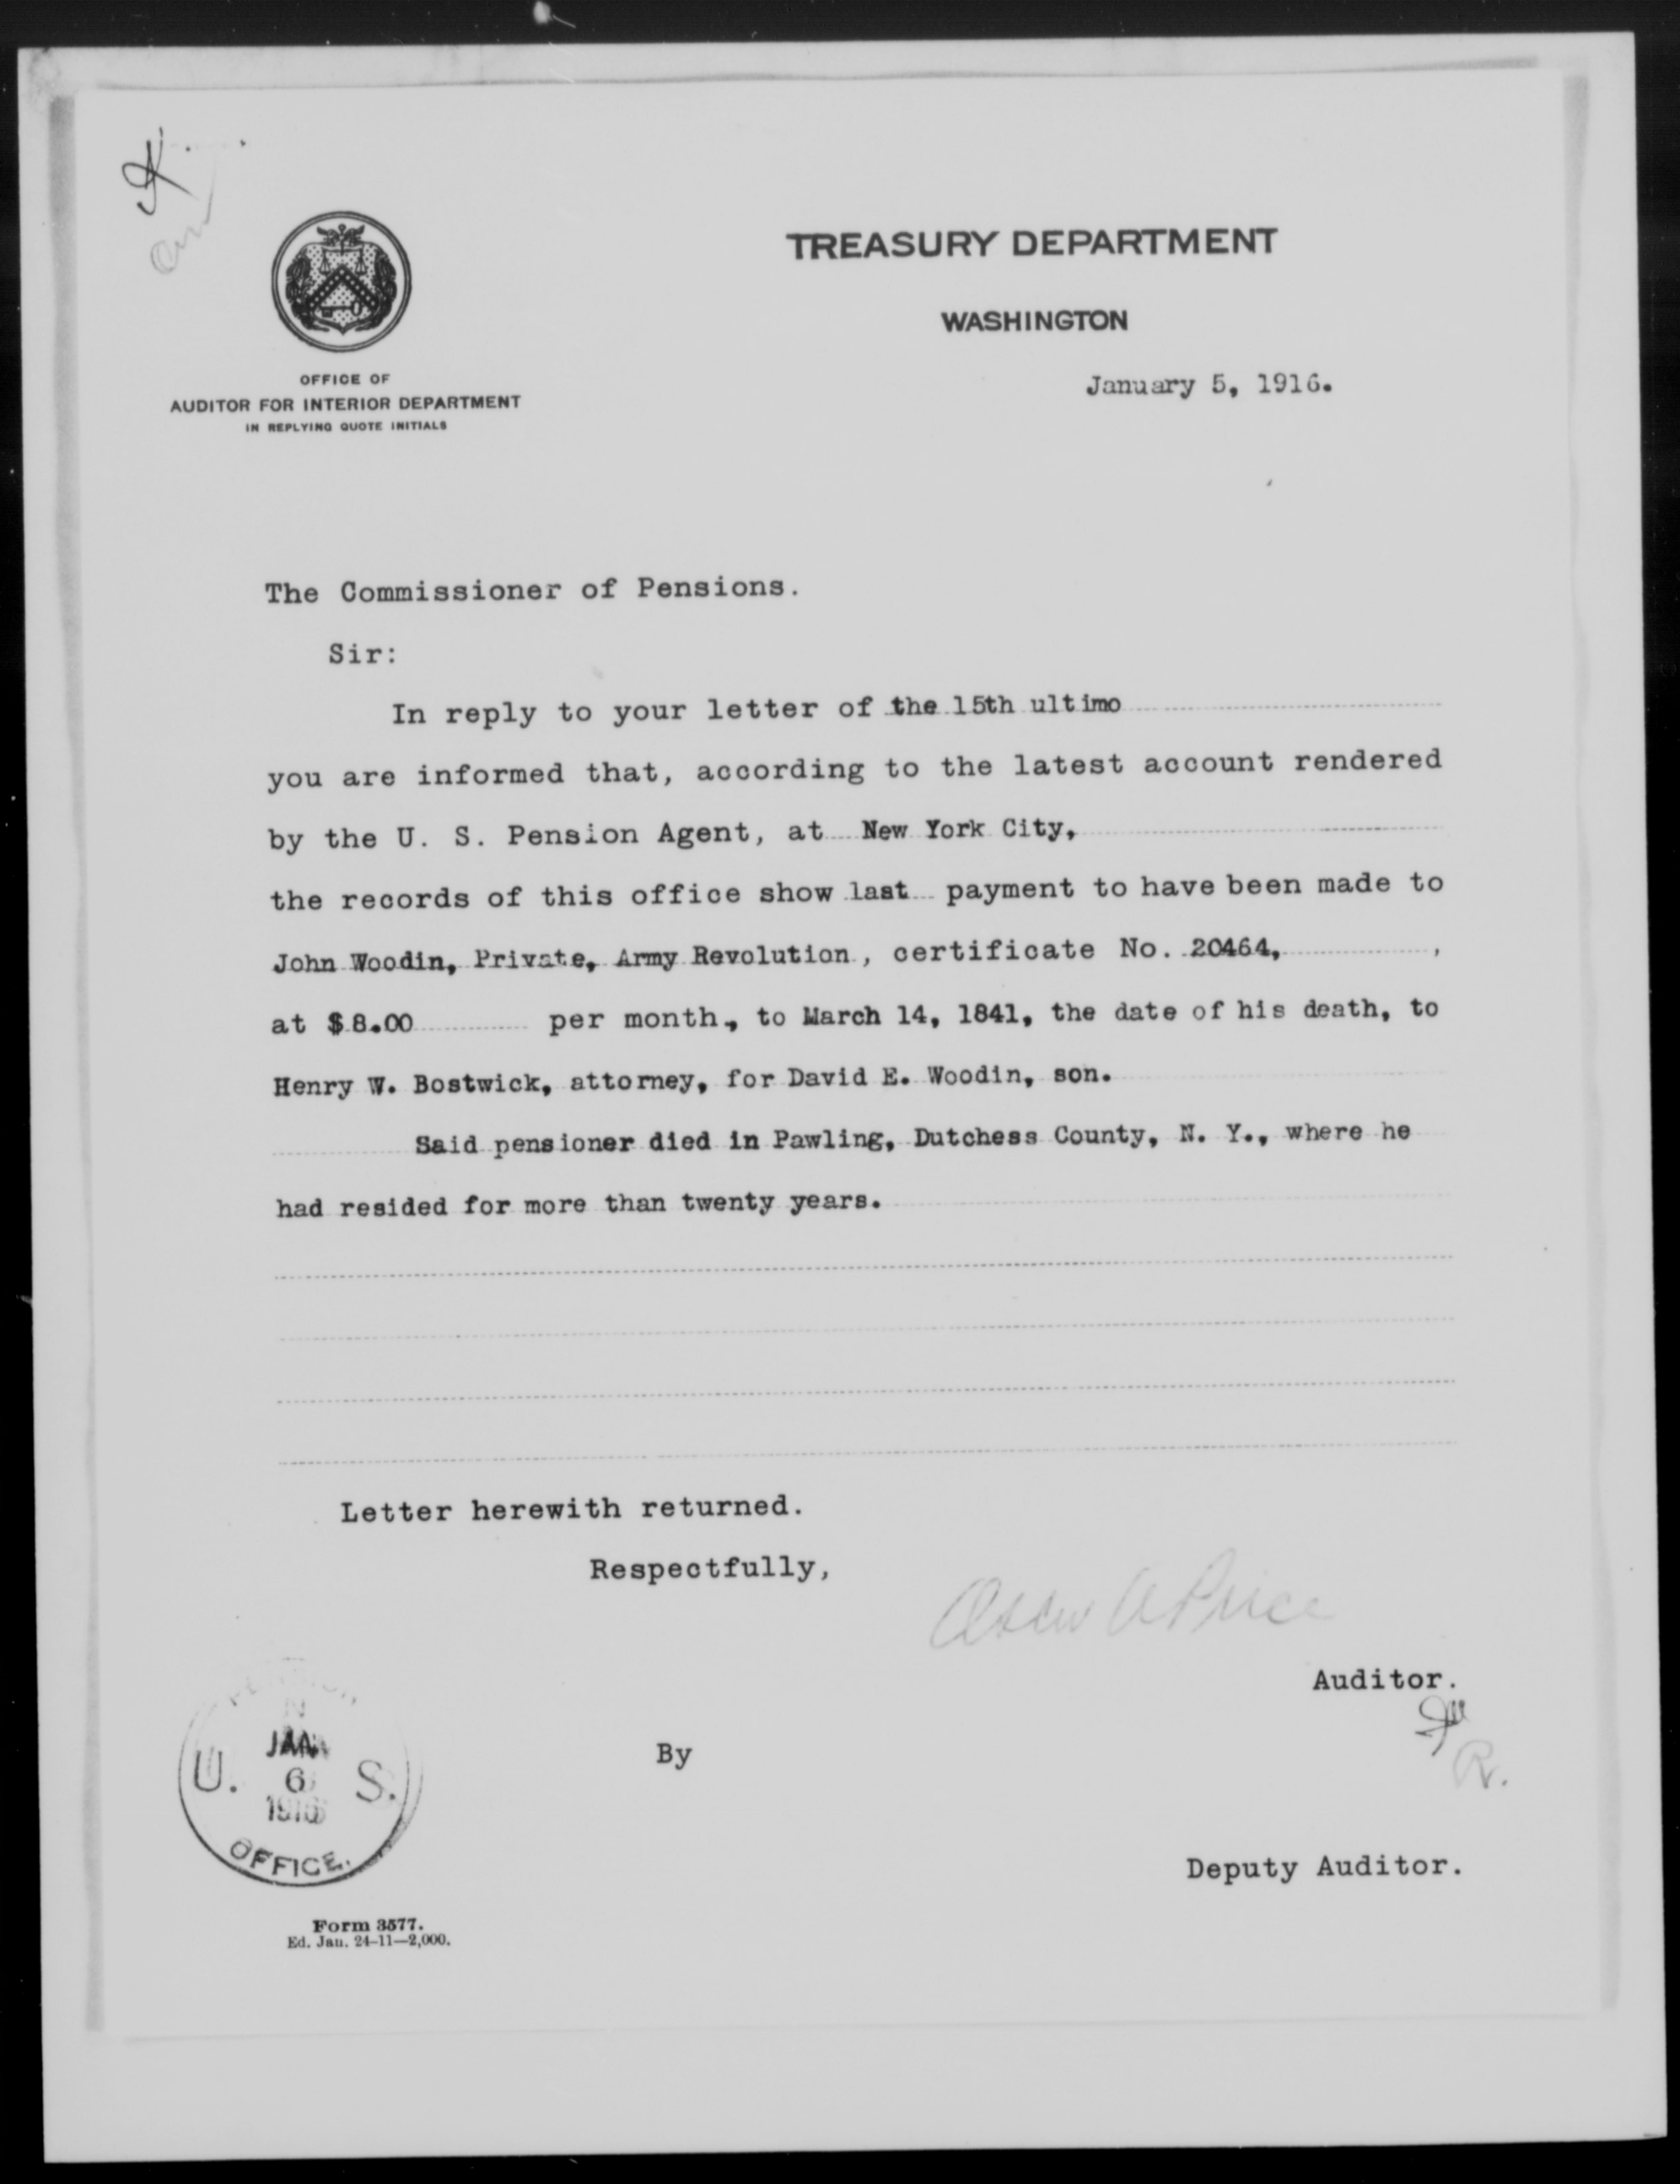OFFICE OF AUDITOR FOR INTERIOR DEPARTMENT IN REPLYING QUOTE INITIALS
TREASURY DEPARTMENT
WASHINGTON 
January 5, 1916. 
The Commissioner of Pensions. 
Sir:
In reply to your letter of the 15th ultimo you are informed that, according to the latest account rendered by the U. S. Pension Agent, at New York City, the records of this office show last payment to have been made to John Woodin, Private, Army Revolution, certificate No. 20464, at $8.00 per month, to March 14, 1841, the date of his death, to Henry W. Bostwick, attorney, for David E. Woodin, son. 
Said pensioner died in Pawling, Dutchess County, N. Y., where he had resided for more than twenty years.
Letter herewith returned. 
Respectfully, 
Asew [?] A Price 
Auditor. 
Deputy Auditor.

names: David E Woodin, Henry W Bostwick, Oscar A Price, John Woodin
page: 38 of 77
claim: widow's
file: W. 19658, John Woodin, New York